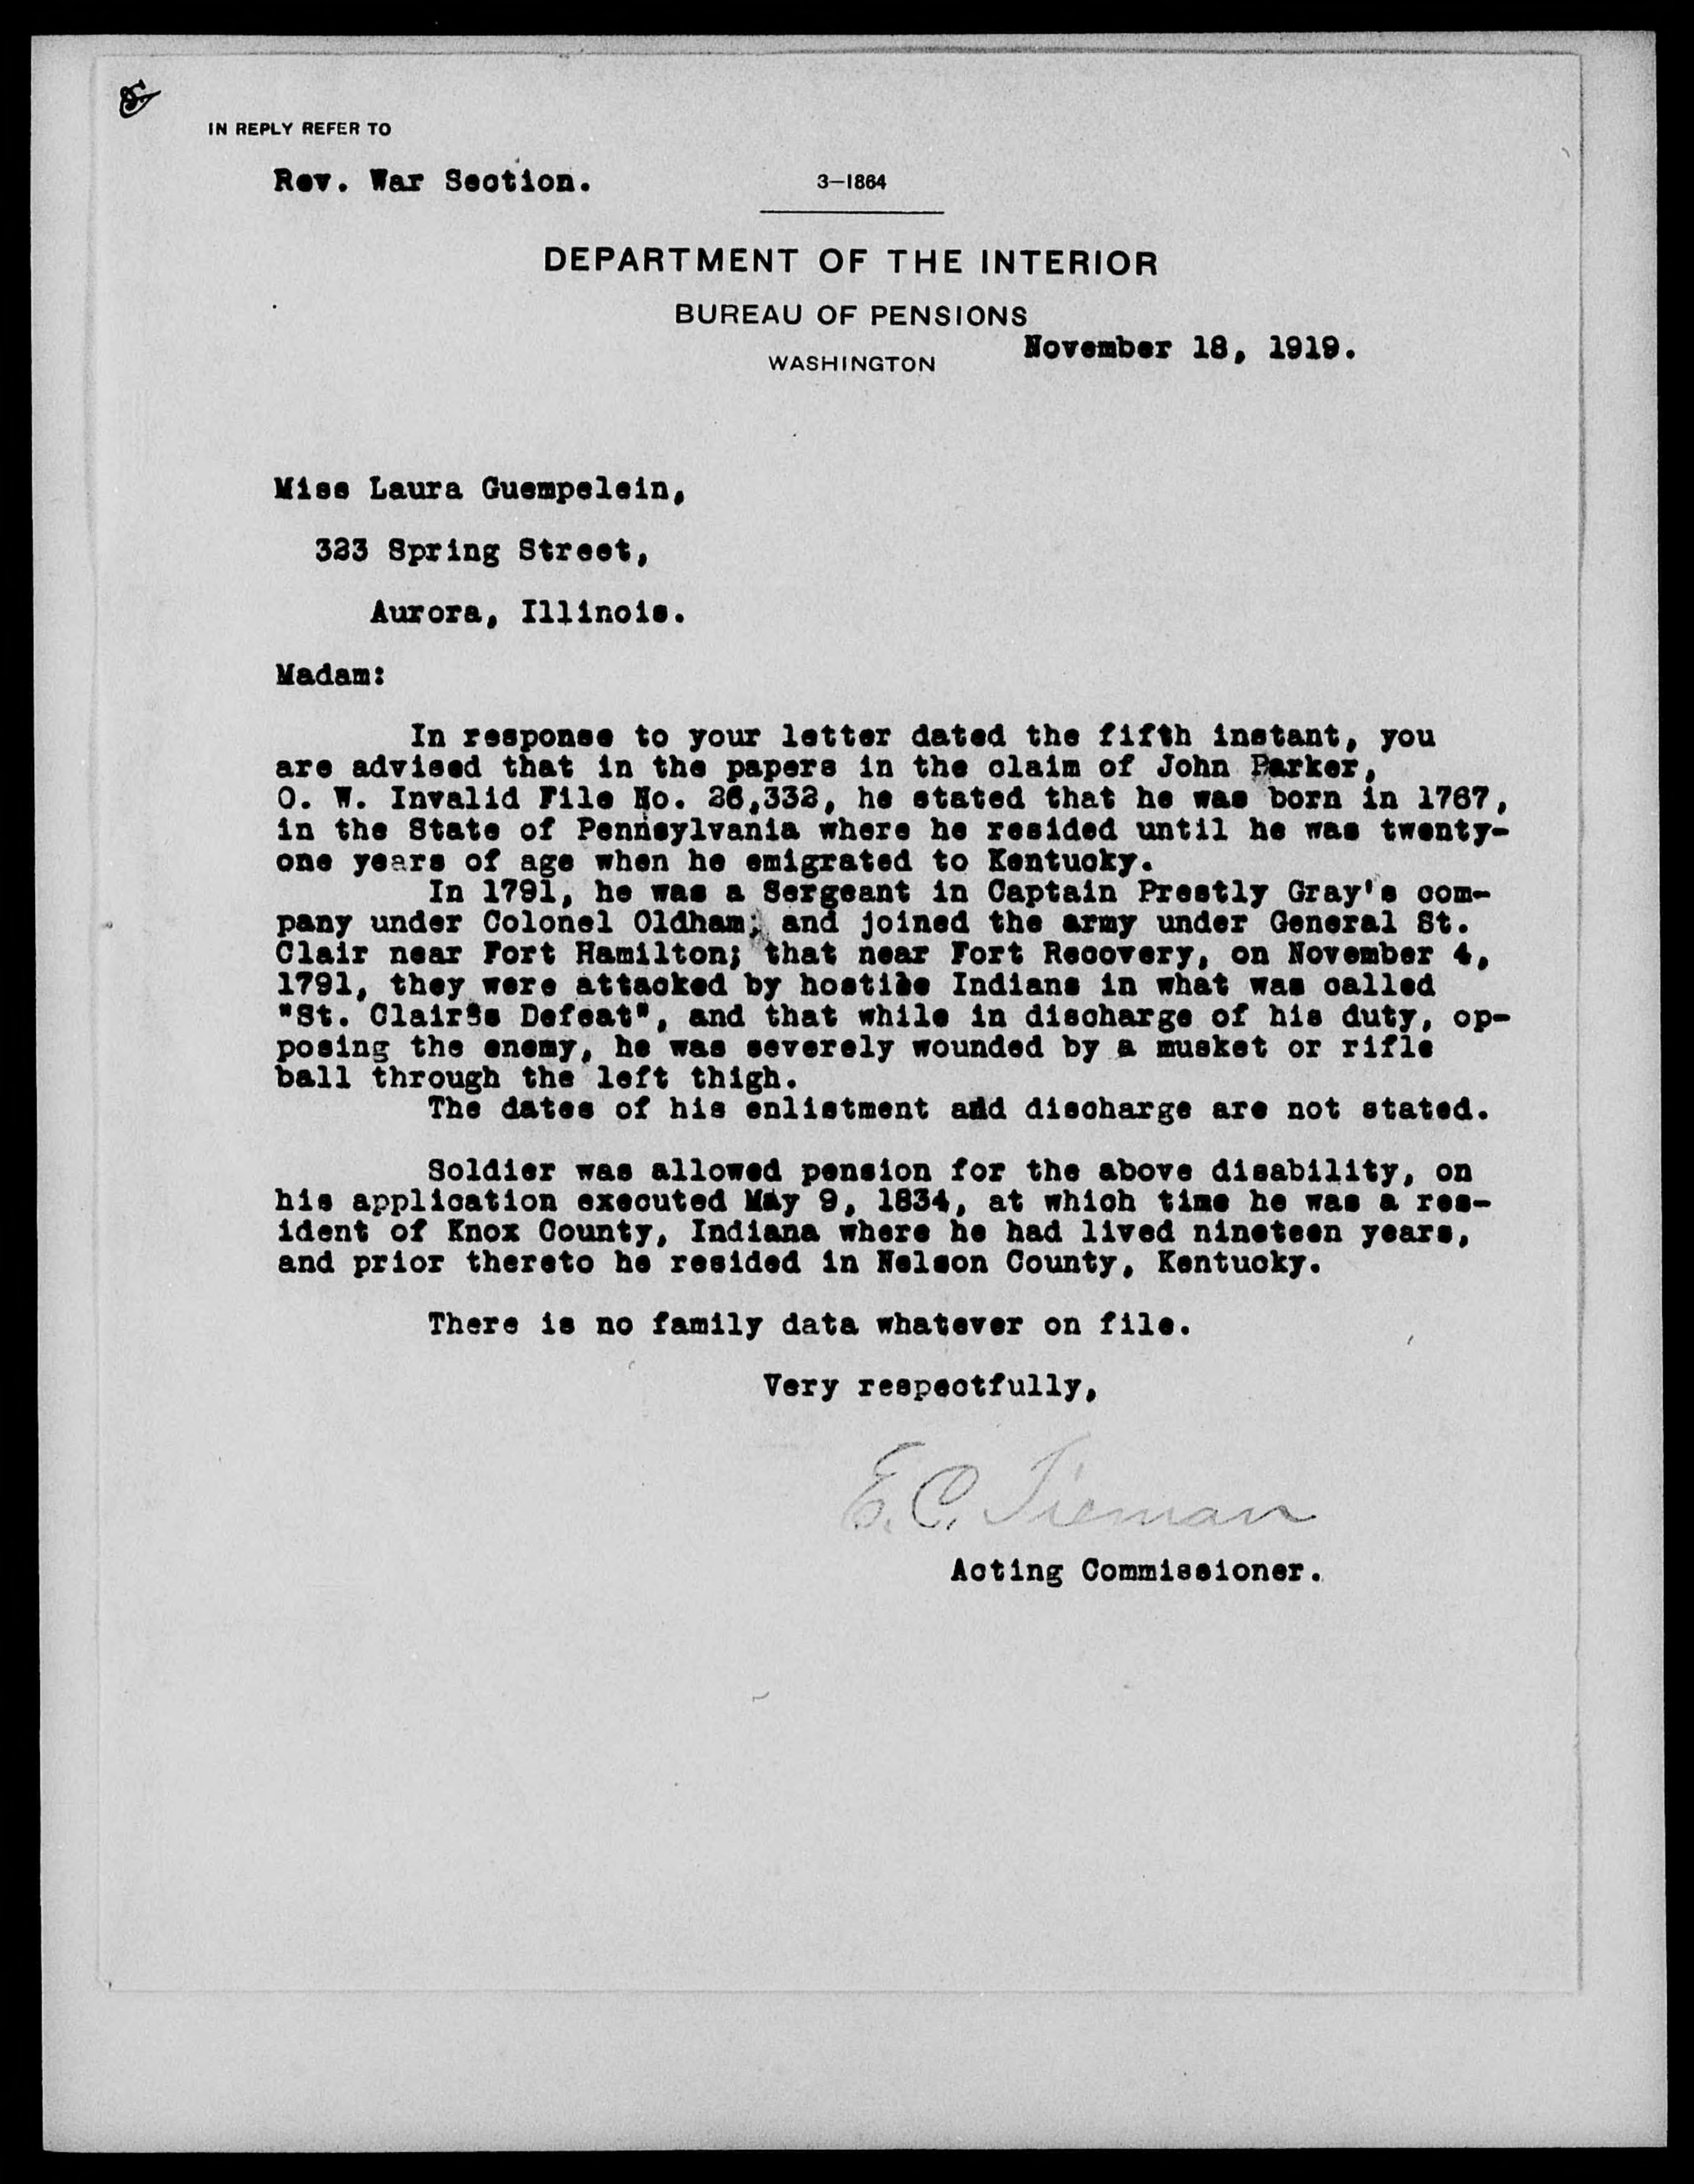IN REPLY REFER TO
Rev. War Section.

3-1864

DEPARTMENT OF THE INTERIOR
BUREAU OF PENSIONS
WASHINGTON

November 18, 1919.

Miss Laura Guempelein,

323 Spring Street,

Aurora, Illinois.

Madam:

In response to your letter dated the fifth instant, you are advised that in the papers in the claim of John Parker, O. W. Invalid File No. 36,332, he stated that he was born in 1767, in the State of Pennsylvania where he resided until he was twenty-one years of age when he emigrated to Kentucky.

In 1791, he was a Sergeant in Captain Prestley Gray's company under Colonel Oldham; and joined the army under General St. Clair near Fort Hamilton; that near Fort Recovery, on November 4, 1791, they were attacked by hostile Indians in what was called "St. Clair's Defeat", and that while in discharge of his duty, opposing the enemy, he was severely wounded by a musket or rifle ball through the left thigh.

The dates of his enlistment and discharge are not stated.

Soldier was allowed pension for the above disability, on his application executed May 9, 1834, at which time he was a resident of Knox County, Indiana where he had lived nineteen years, and prior thereto he resided in Nelson County, Kentucky.

There is no family data whatever on file.

Very respectfully,

E.C. Tieman

Acting Commissioner.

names: [BLANK] St Clair; John Parker; Laura Guempelein; [BLANK] Oldham; E C Tieman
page: 20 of 21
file: Old War Inv. File 26332, for John Parker, Other